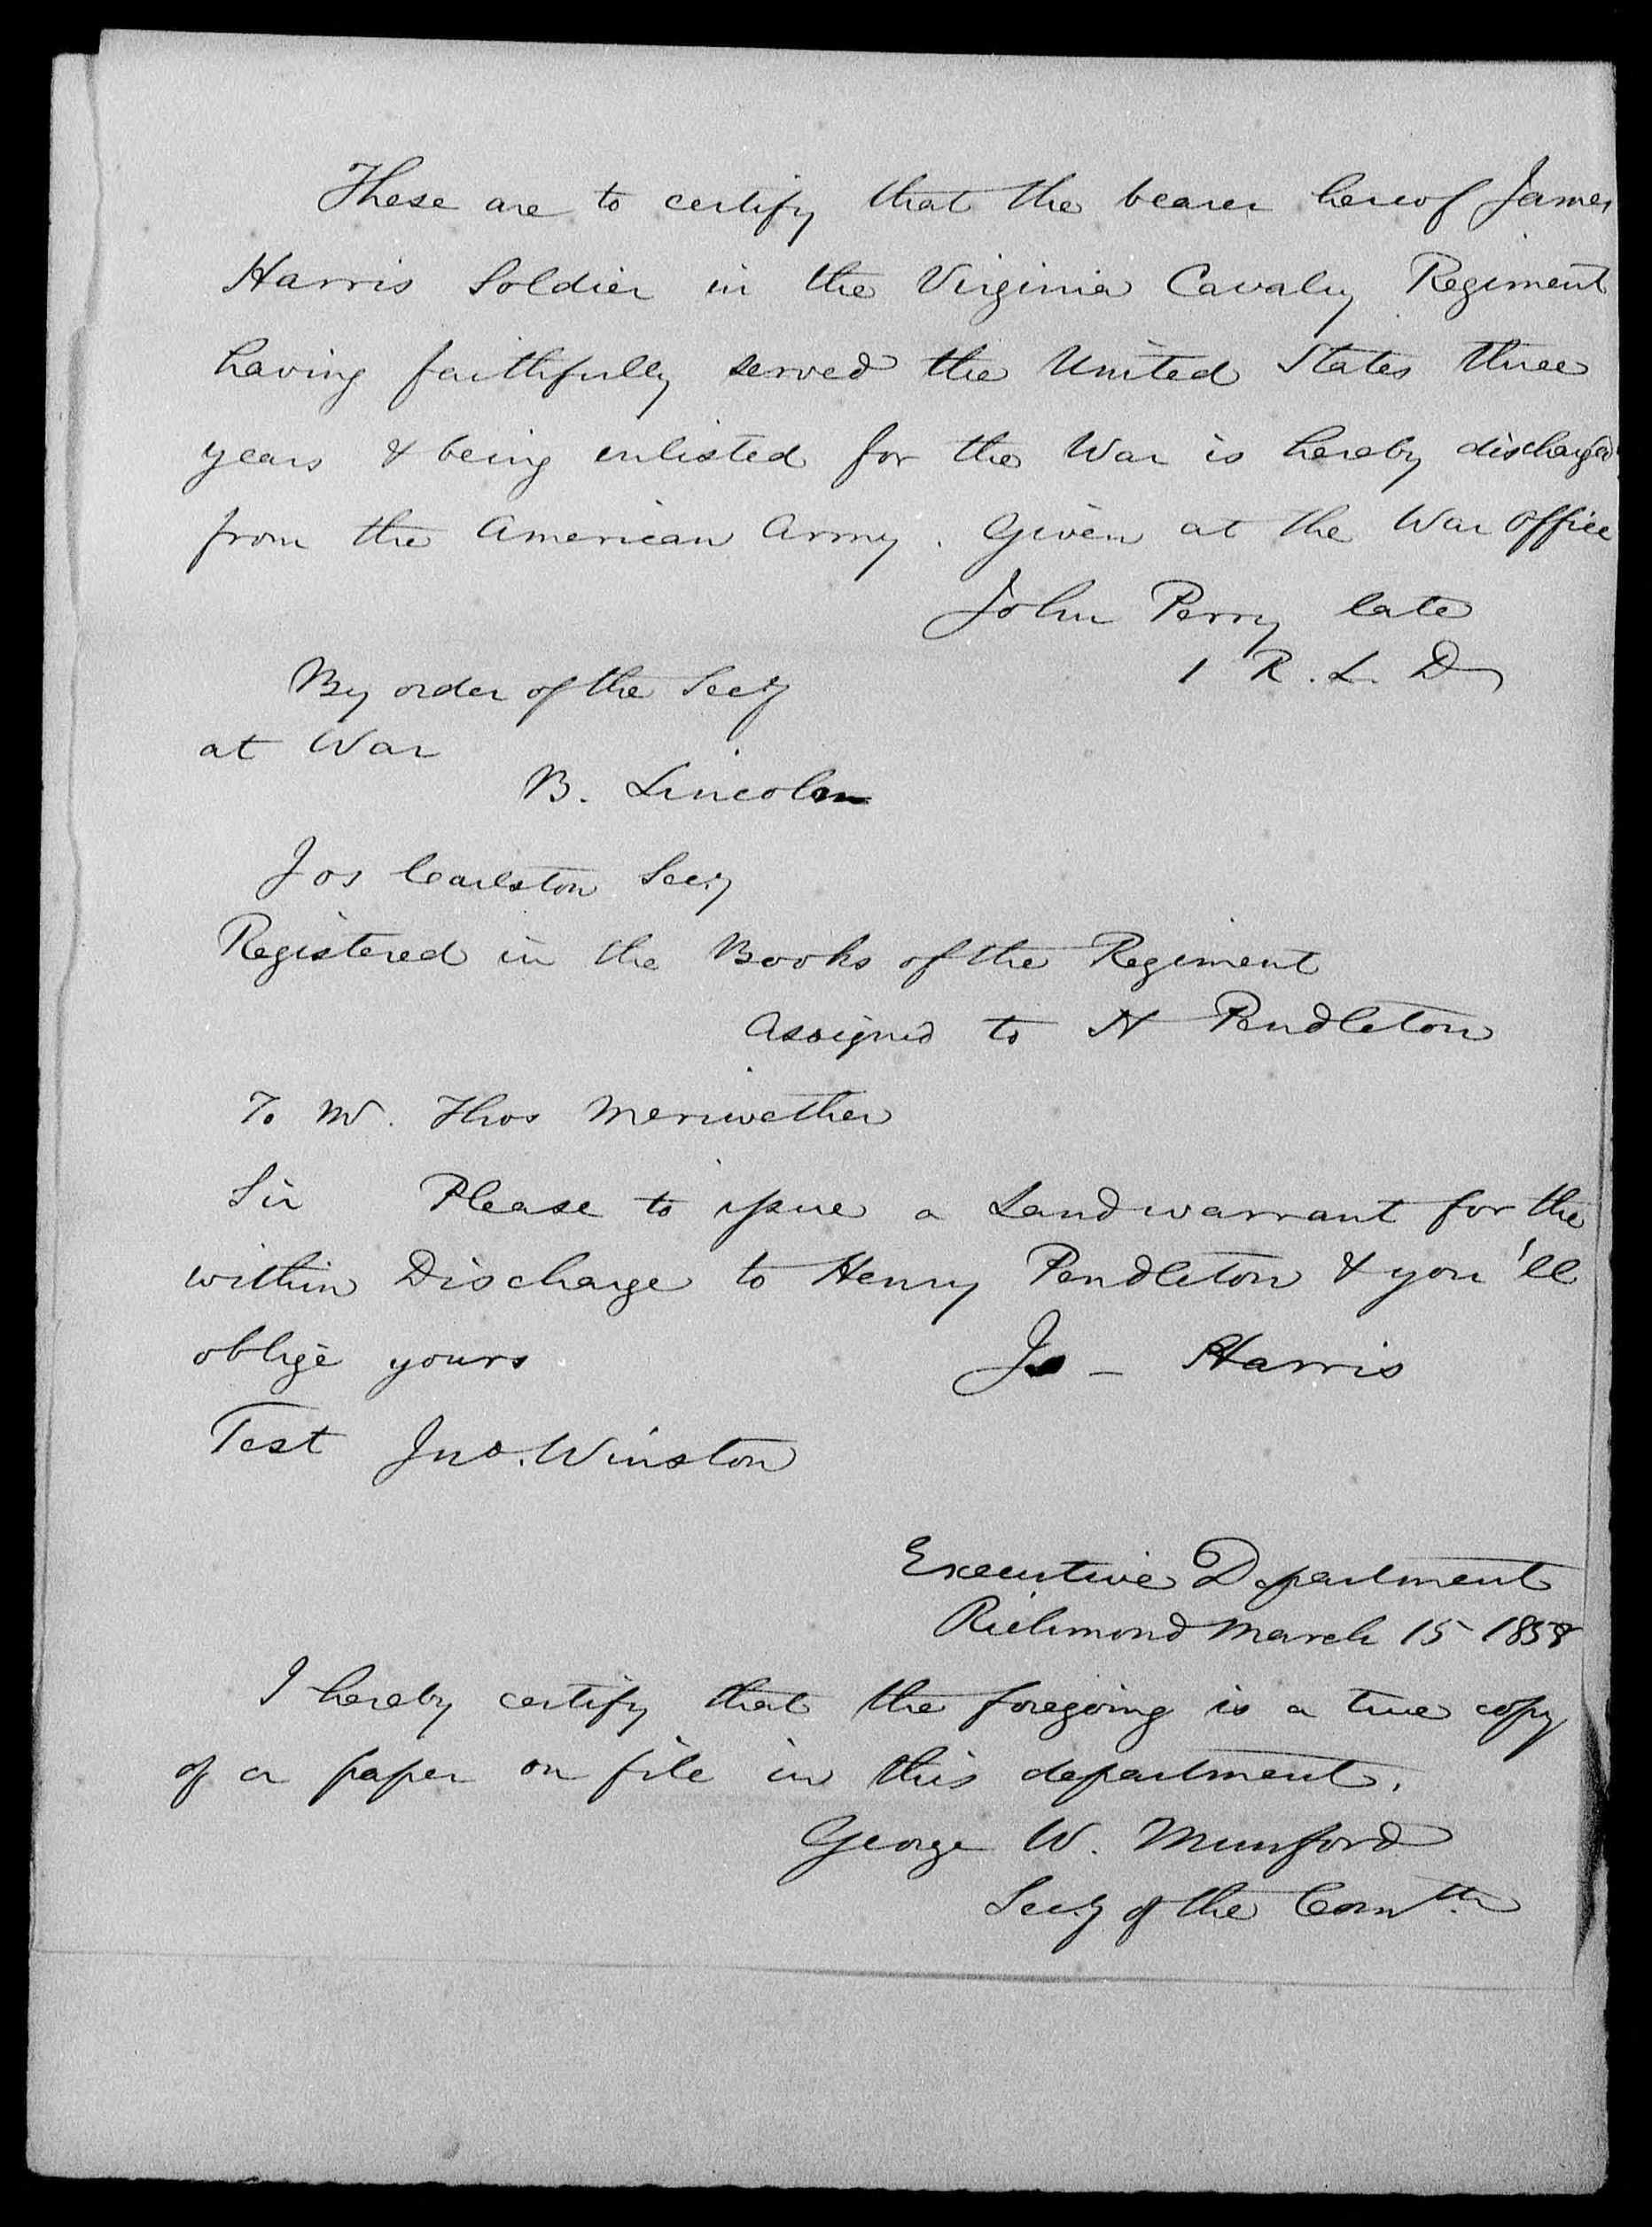These are to certify that the bearer hereof James Harris soldier in the Virginia Cavalry regiment having faithfully served the United States three years & being enlisted for the War is hereby discharged from the American Army.  Given at the War office.
John Perry,  late
/ R.L.D.

By order of the Secy at War
B. Lincoln

Jos Carlson Secy
Registered in the Books of the Regiment
Assigned to H. Pendleton

To Mr. Thos Meriwether
Sir   Please to issue a Land warrant for the within Discharge to Henry Pendleton & you'll oblige yours
J. Harris
Test Jno Winston

Executive Department
Richmond March 15 1858
I hereby certify that the foregoing is a true copy of a paper on file in this department.
George W. Munford
Secy of the Comth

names: James Harris, Henry Pendleton, Js Harris, Thos Meriwether, B Lincoln, George W Munford, John Perry, H Pendleton, Jos Carlston, Jno Winston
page: 98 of 160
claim: rejected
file: R. 4666, James Harris, Va.